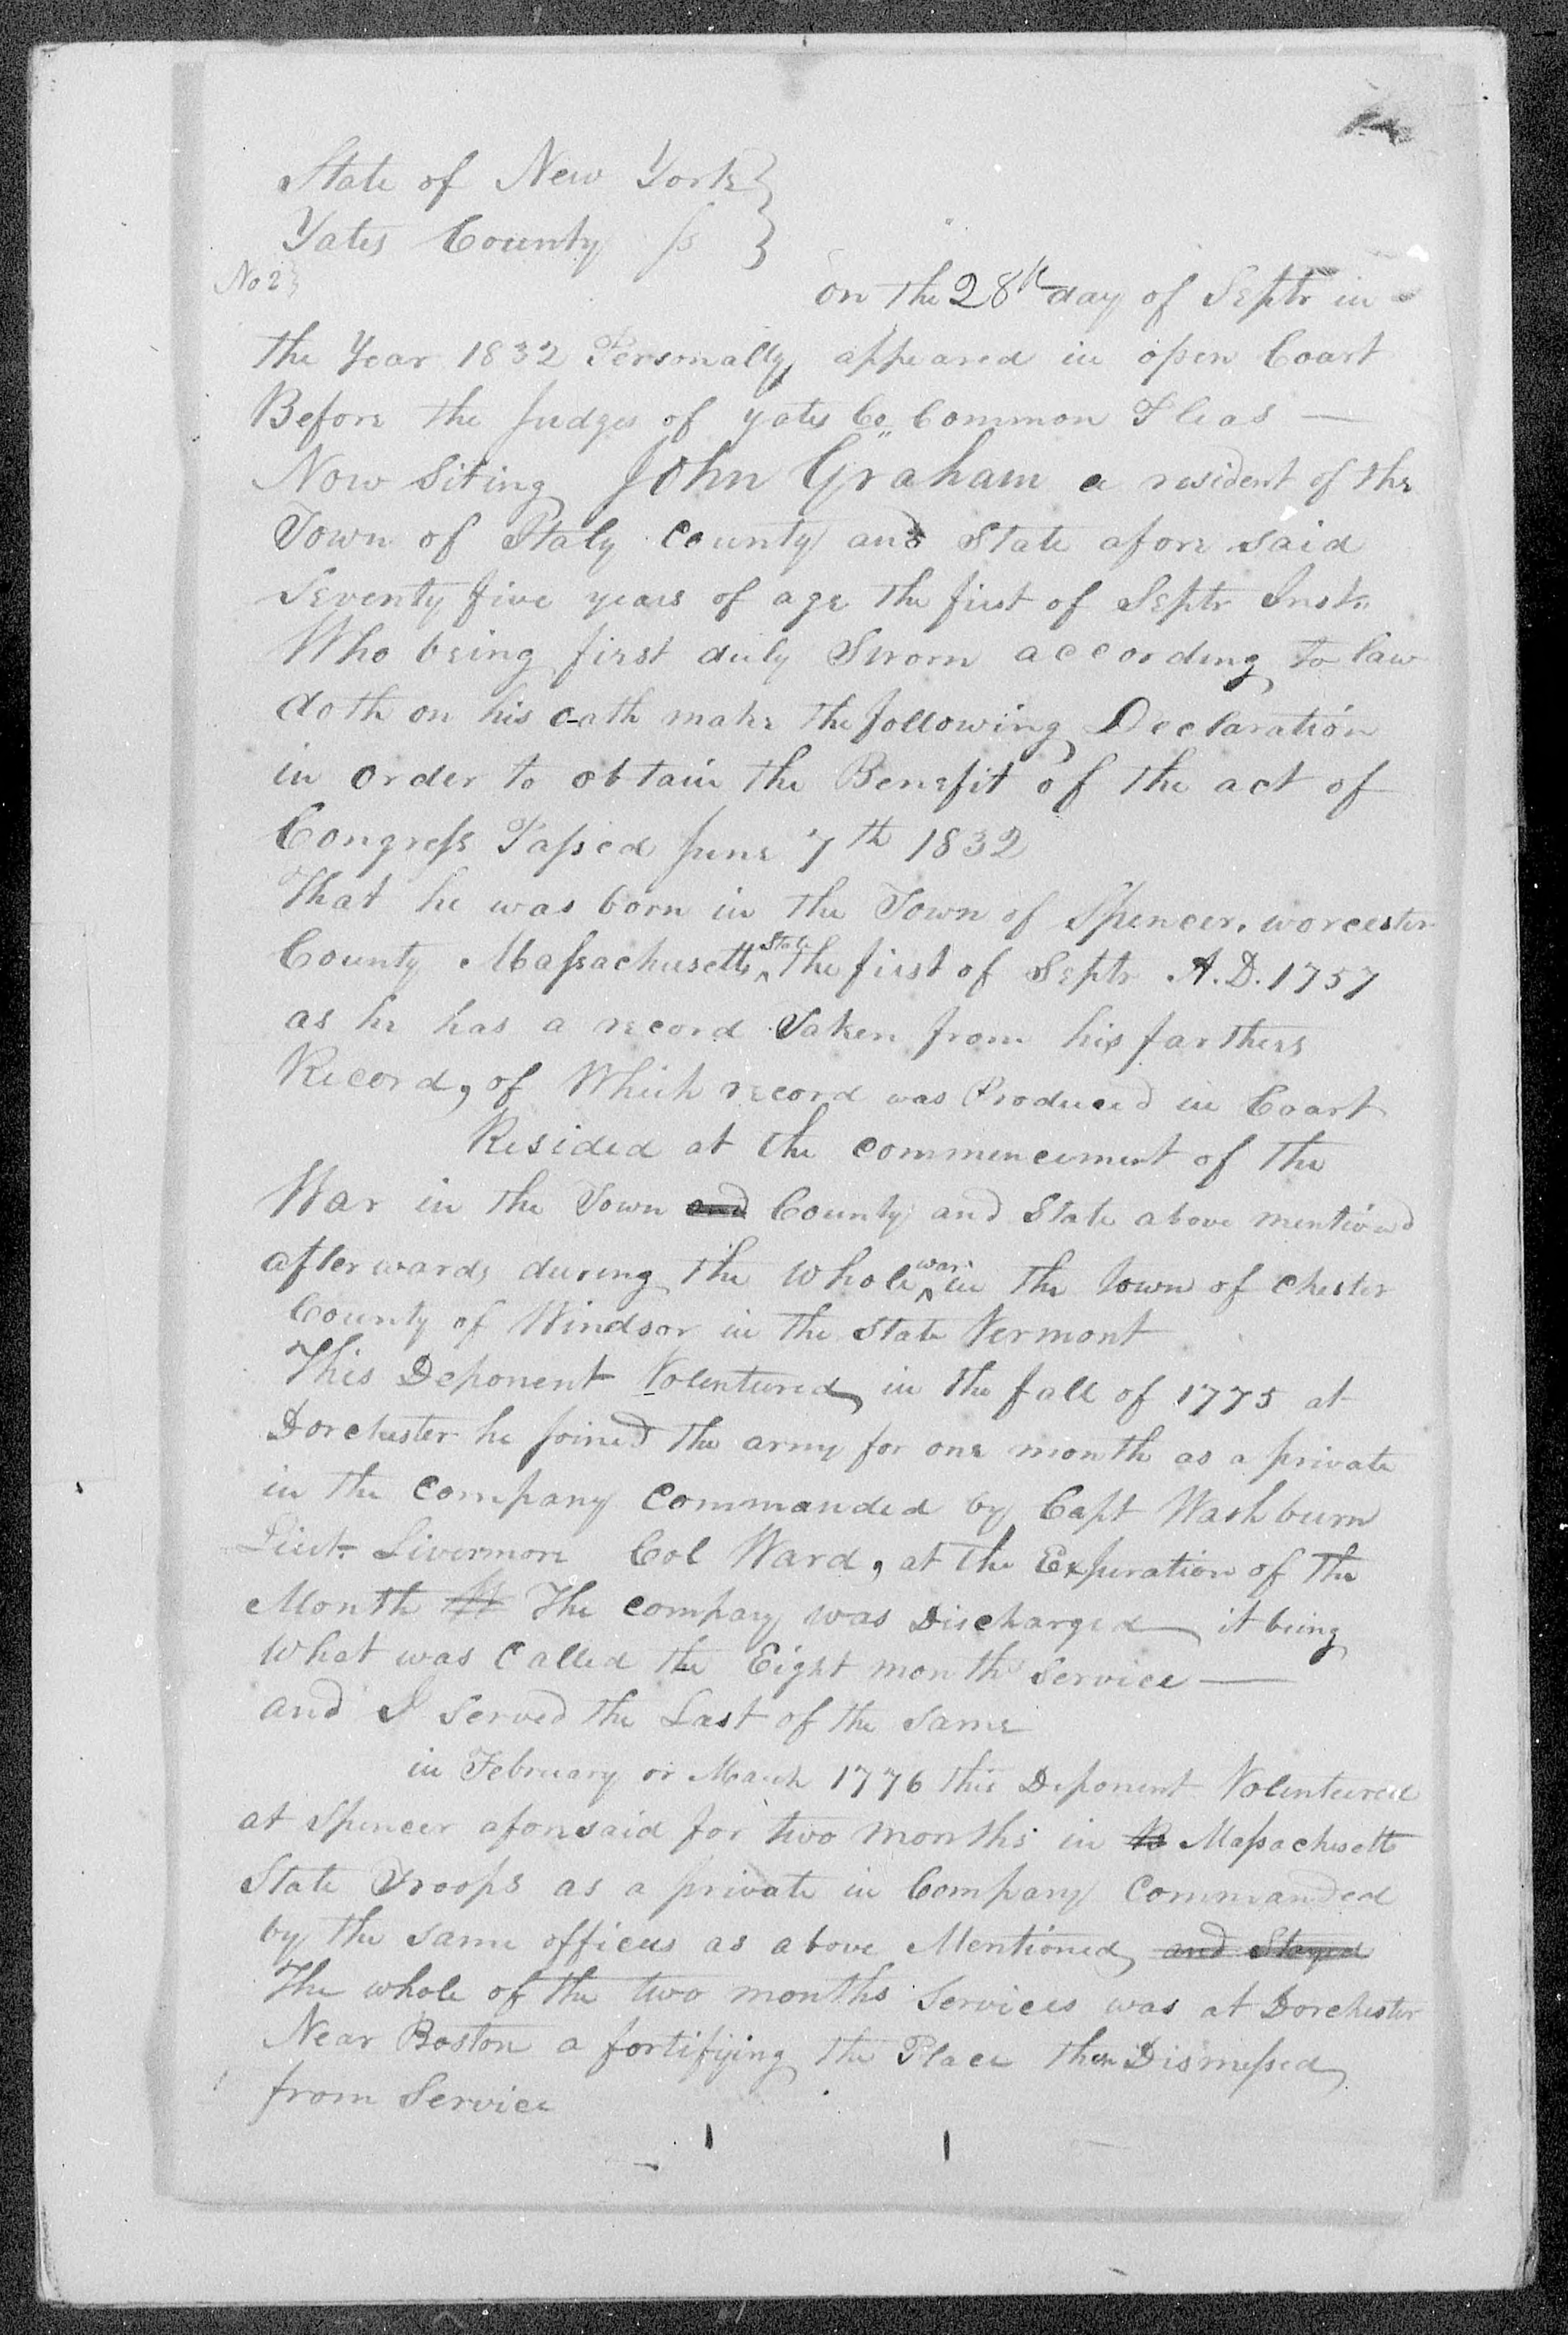State of New York
Yates County
No 2
on the 28th day of Sept in
the year 1832 personally appeared in open Court

Before the Judges of Yates Co Common Pleas-
Now sitting John Graham a resident of the
Town of  Italy State County and State aforesaid
Seventy five years of age the first of Septr Inst
who being first duly Sworn according to law
doth on his oath make the and make the following Declaration in order to obtain the benefit of the act of Congress passed June 7th 1832   That he was born in the Town of Spencer, Worcester County Massachusetts state the first of Sept A.D. 1757 as he has a record taken from his fathers   Record of which record was produced in Court

Resided at the commencement of the
War in the Town and County and State above mentioned afterwards during the whole war the town of Chester County of Windsor in the State Vermont

This Deponent volunteered in the fall of 1775 at Dorchester he joined the army for one month as a private in the company commanded by Capt Washburn First Sivermon Col Ward, at the Expiration of the
Month the company was discharged it being
What was called the Eight months service and
I served the last of the same

In February or March 1776 this deponent volunteered at Spencer aforesaid for two months in Massachusetts State Troops as a private in Company commanded by the same officers as above mentioned and the whole of the two months services was at Dorchester
Near Boston a fortifying the place then dismissed from service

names: Ward, Washburn, Livermon, John Graham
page: 3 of 28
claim: survivor's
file: S. 22799, John Graham, Mass